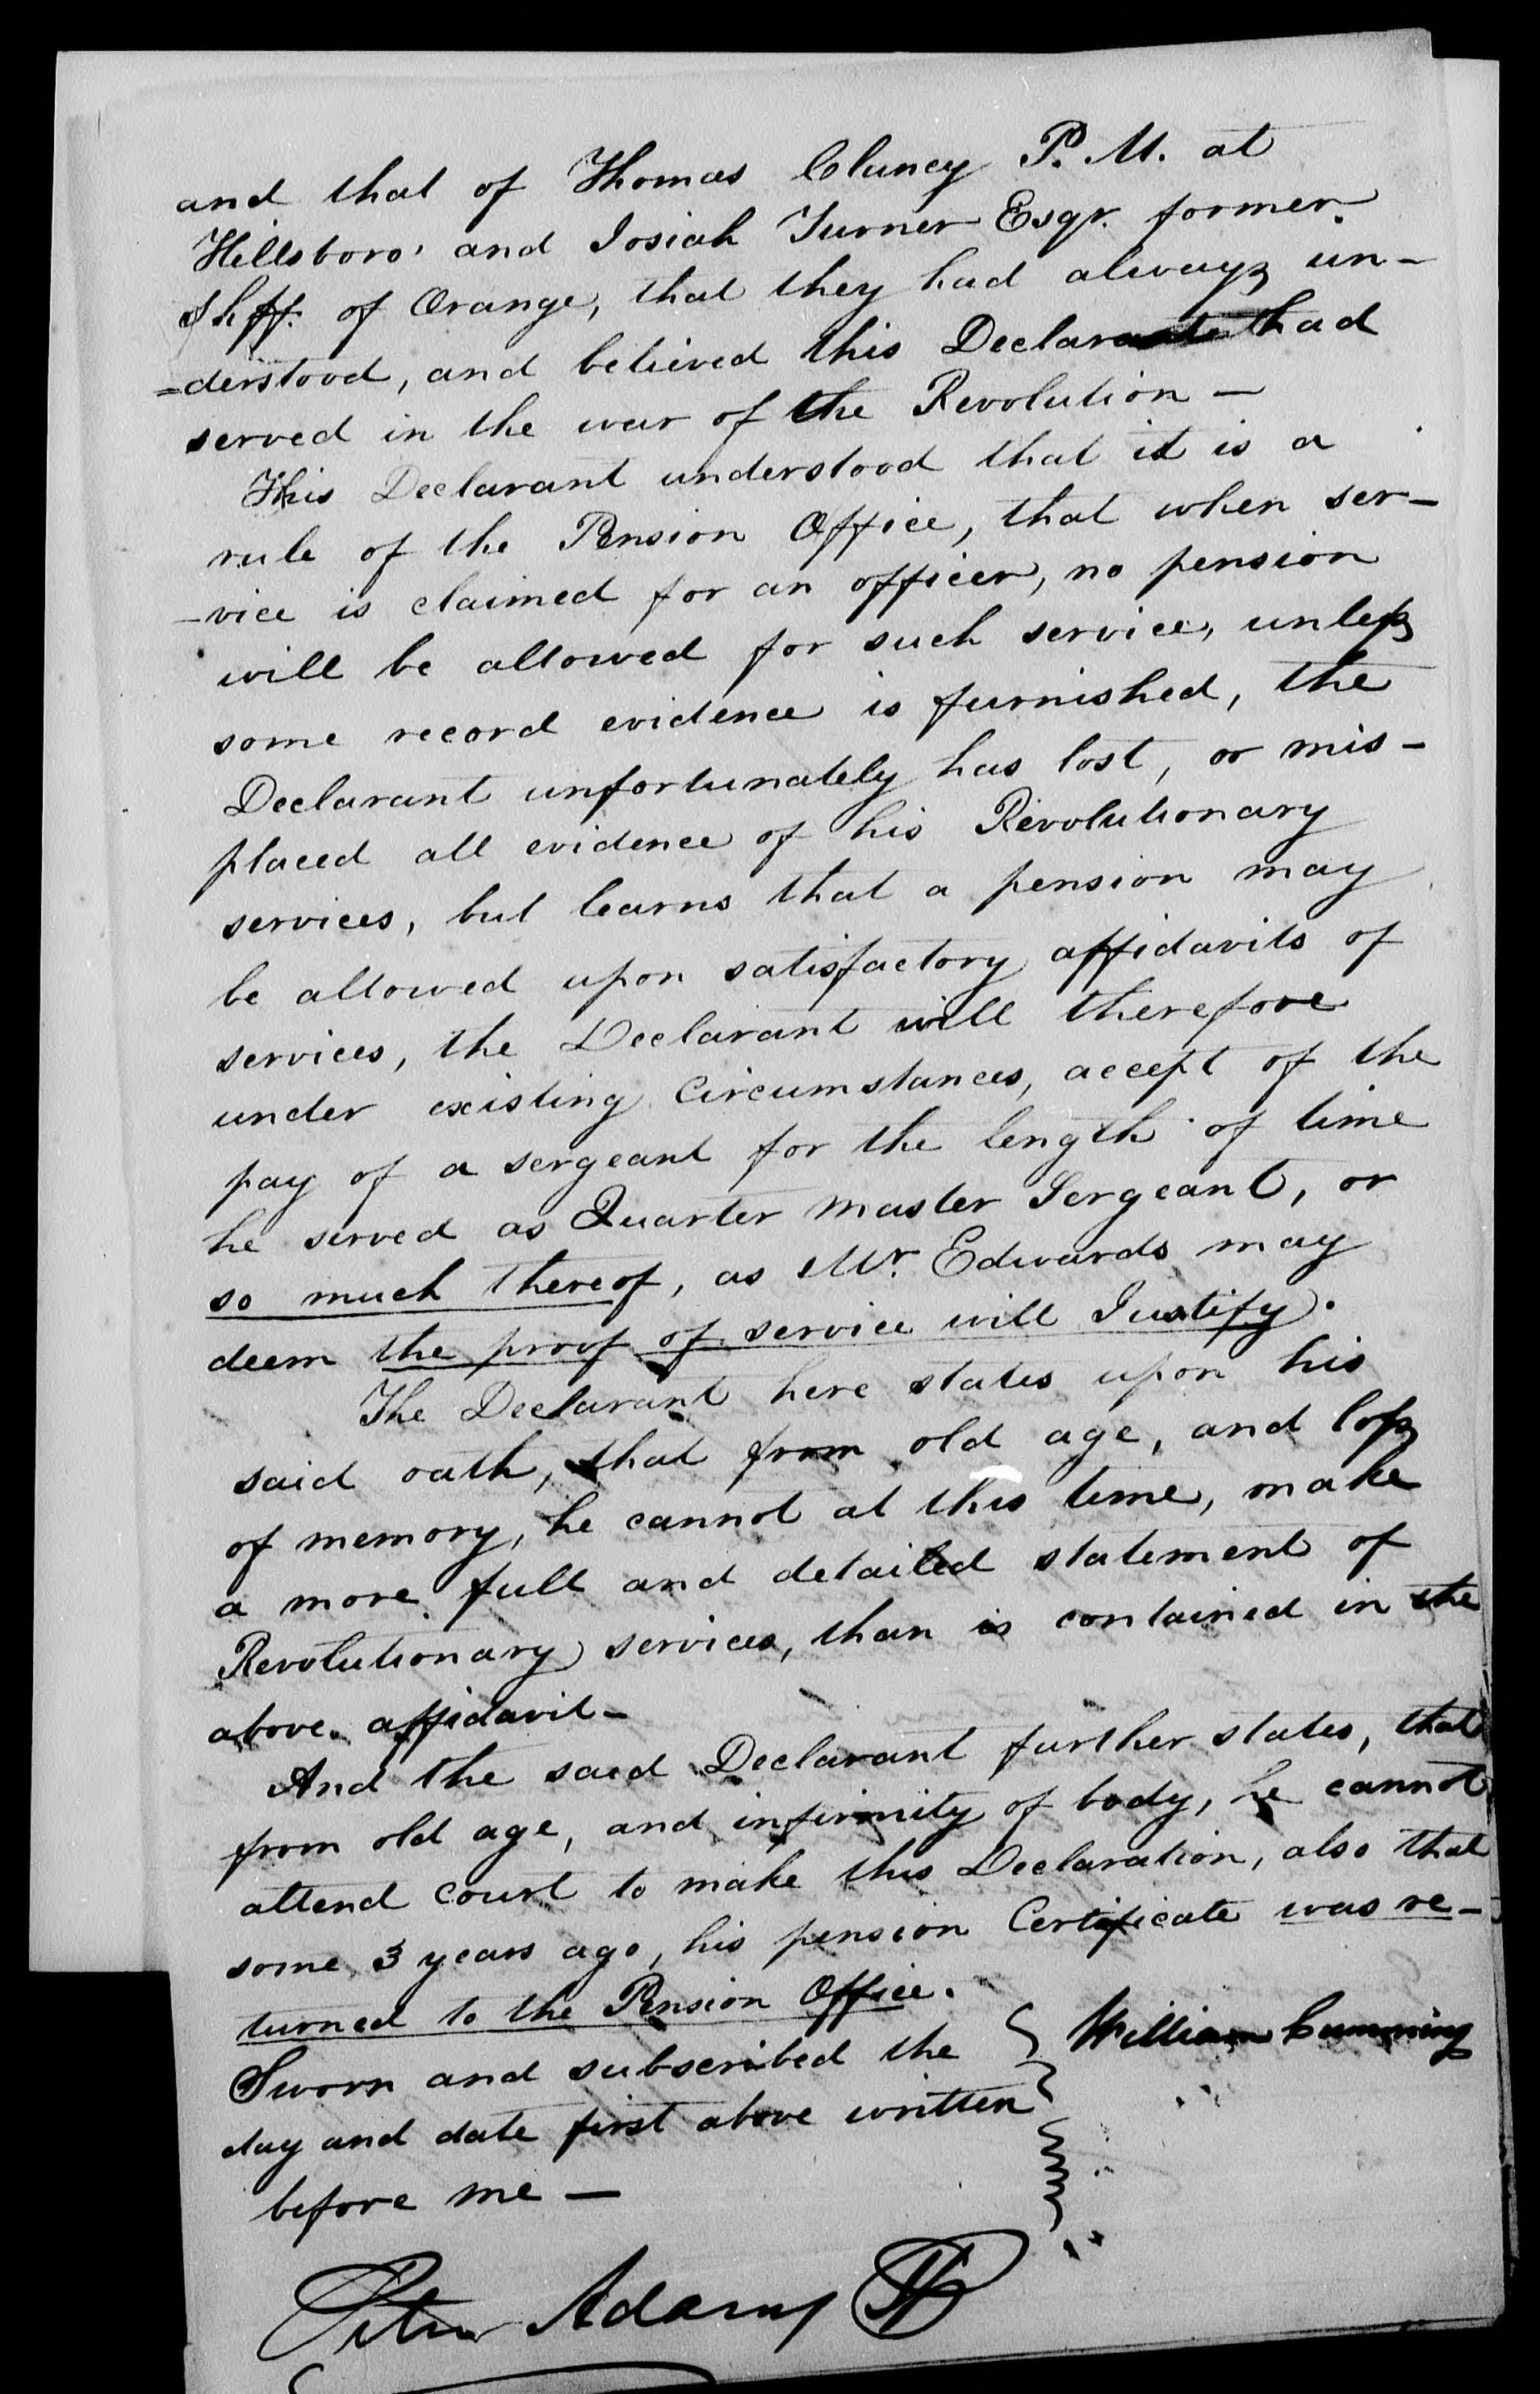[Handwritten record. Apparent third and final page of William Cumming's 16 Jan 1843 new Declaration.  Occasional spacing has been included to make the long text block easier to read.] 

and that of Thomas Cluncy [or Clancy] P. M. [Post Master] at Hillsboro' and Josiah Turner Esqr. [Esquire] former Shff. [Sheriff] of Orange [County, N.C.] that they had always understood, and believed this Declarant had served in the war of the Revolution -

This Declarant understood that it is a rule of the Pension Office, that when service is claimed for an officer, no pension will be allowed for such services, unless some record evidence is furnished, the Declarant unfortunately has lost, or misplaced all evidence of his Revolutionary services, but learns that a pension may be allowed upon satisfactory affidavits of services, the Declarant will therefore under existing Circumstances, accept of the pay of a sergeant for the length of time he served as Quarter Master Sergeant, or [here the next three words are underlined] so much thereof, as Mr. Edwards may deem [here the next six words are underlined:] the proof of service will Justify.

The Declarant here states upon his said oath, that from old age, and loss of memory, he cannot at this time, make a more full and detailed statement of Revolutionary services, than is contained in the above affidavit -

And the said Declarant further states, that from old age, and infirmity of body, he cannot attend Court to make this Declaration, also that some 3 years ago, his pension Certificate [here the next six words are underlined:] was returned to the Pension Office.

William Cumming

Sworn and subscribed the)
day and date first above written)
before me - 

[Signature with a flourish:] Peter Adams [The letters following his name are hard to read, but could be either JP, meaning Justice of the Peace; or Sf, perhaps meaning Sheriff.]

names: Josiah Turner, Edwards, William Cumming, Peter Adams, Thomas Clancy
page: 103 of 145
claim: survivor's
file: S. 8265, William Cumming, N.C.